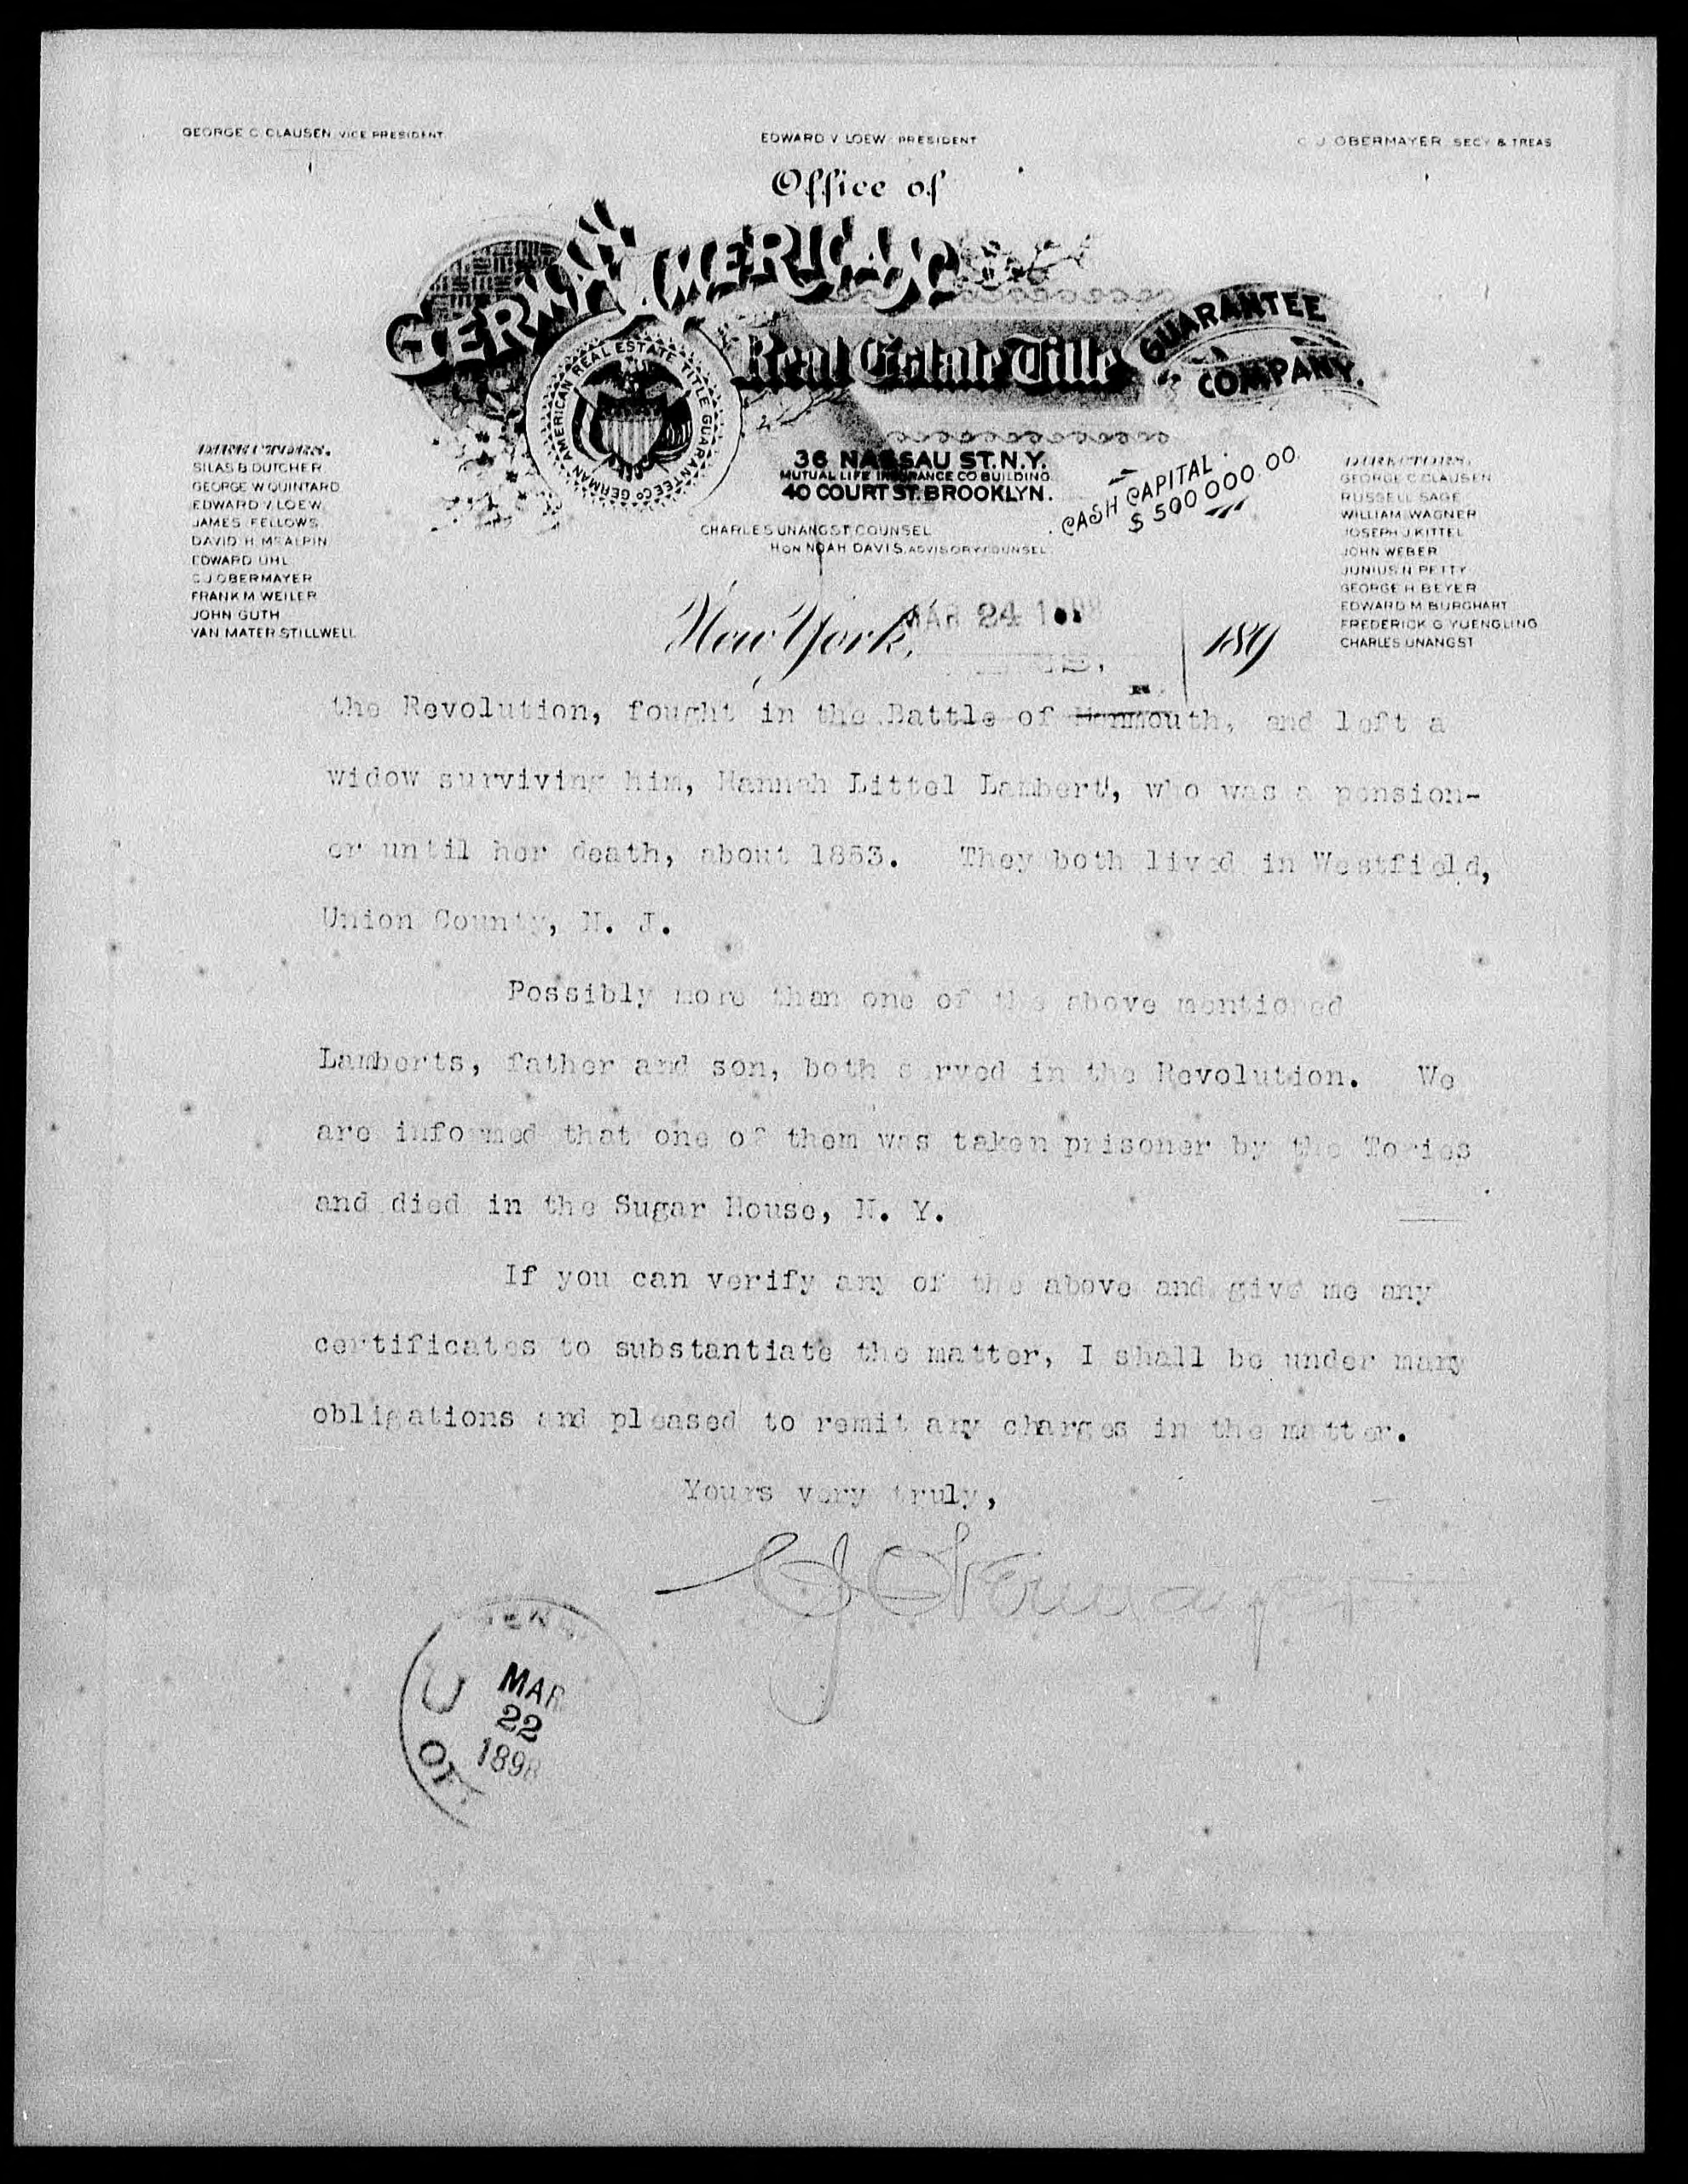George C. Clausen, Vice President
Edward V. Loew, President
C. J. Obermayer Secy & Treas

Office of German American Real Estate Tille Guarantee Company
36 Nassau St. N.Y.
Mutual Life Insurance Co Builting
40 Court St. Brooklyn.
Cash Capital $500000.00

[Illegible]
SILAS B DUTCHER
GEORGE W QUINTARD
EDWARD V LOEW.
JAMES FELLOWS
DAVID H. McALPIN
EDWARD UHL
C J OBERMAYER
FRANK M. WEILER
JOHN GUTH
VAN MATER STILLWELL

CHARLES UNANGST  COUNSEL
HON NOAH DAVIS Advisory Counsel
New York Mar 24 1898
[Illegible]
GEORGE C. CLAUSE
RUSSELL SAGE
WILLIAM WAGHER
JOSEPH J KITTEL
JOHN WEBER
GEORGE BEYER
EDWARD M BURGHART
FREDERICK G YUENGLING
CHARLES UNANGST
the Revolution, fought in the Battle of Monmouth, and left a widow surviving him, Hamish Littel Lambert, who was a pensionor
until her death, about 1853. They both lived in Westfield, Union County, N. J.
Possibly more than one of the above mentioned Lamberts, father and son, both served in the Revolution. We are informed that one of them was taken prisoner by the Tories
and died in the Sugar House, N. Y.
If you can verify any of the above and give me any certificates to substantiate the matter, I shall be under many obligations and pleased to remit any charges in the matter.
Yours very truly,
C J Obermayer
[Stamp] U. S. PENSION OFFICE MAR 22 1898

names: Edward M Burghart; Charles Unangst; George W Quintard; Van Mater Stillwell; Frederick G Yuengling; George H Beyer; Russell Gage; David H Mc Alpin; Edward V Loew; Joseph J Kittel; Silas B Dutcher; Hannah Littel Lambert; James Fellows; Junius N Betty; William Wagner; George C Clausen; John Guth; Noah Davis; Frank M Weiler; Edward Uhl; John Weber; C J Obermayer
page: 30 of 49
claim: widow's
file: W. 859, for James Lambert, New Jersey